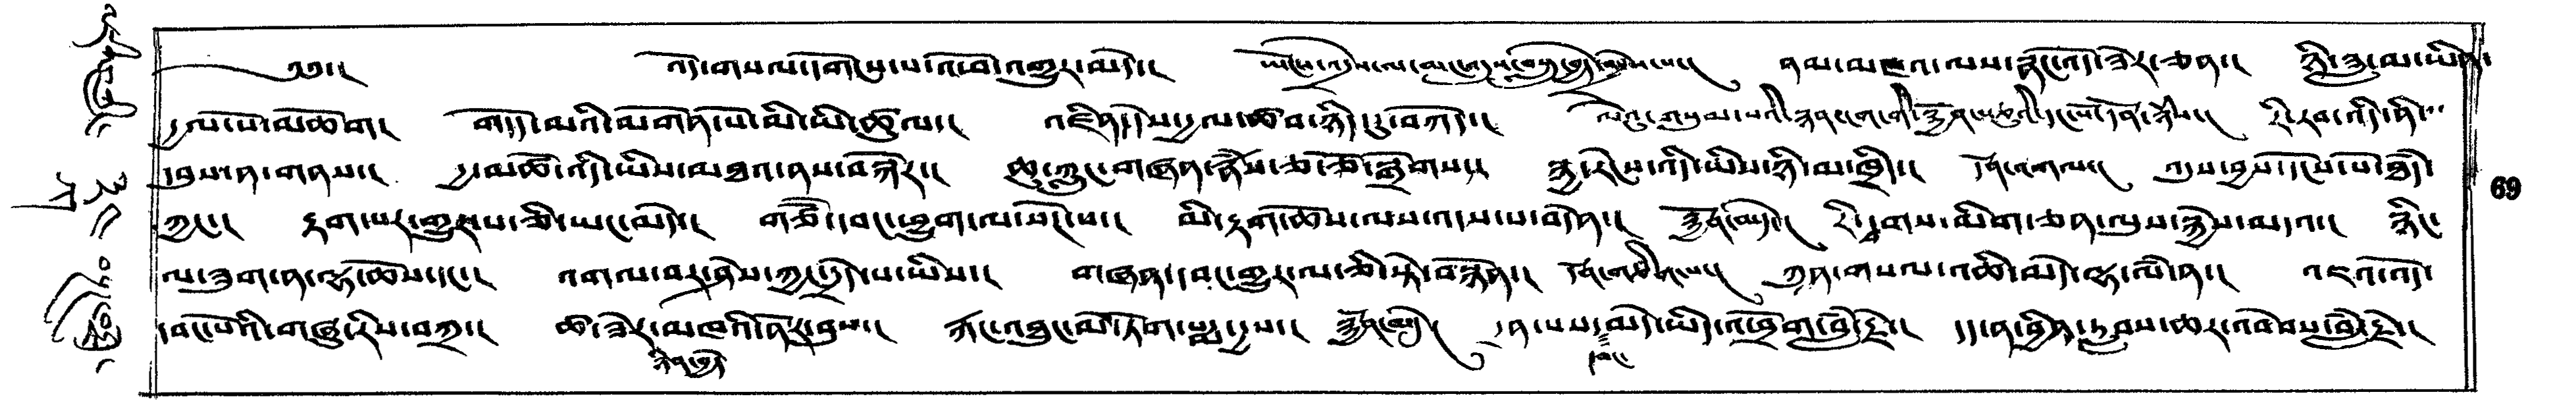།འོད་གསལ་དགོངས་པ་འཕོ་འགྱུར་མེད། ། ཡོངས་འདྲེས་ལ་མང་འདུས་བསླུ་བྱེད་བསྲེས་པ། ནམ་མཁའ་ལས་སྣང་འོད་ཟེར་ཅན། །ཉི་ཟླ་མ་ཡིན་
རྒྱལ་པོ་མཆོག ། གདོད་མའི་མགོན་པོ་མི་ཡི་ཚུལ། །འཛིན་དེས་རྒྱལ་ཚབ་ཉིད་དུ་བཀོད། །ལེའུ་གསུམ་པའི་སྙན་ངག་གི་སྐྱོན་བཅུའི་དང་པོ་དོན་ཉམས། རི་རབ་འདི་ནི་
དབུས་ན་གནས། །རྒྱ་མཚོ་འདི་ཡིས་མཐའ་ནས་བསྐོར། །ཆུ་ཀླུང་གཞན་རྣམས་ཅ་ཅོ་སྒྲོག། །སྐྱ་རེངས་འདི་ཡིས་ཉི་མ་ཁྲིད། དོན་འགལ། འདུས་བྱས་དངོས་པོ་ཐམས་ཅད་
ཀྱང་། །རྟག་པར་གྱུར་པ་ཅི་ཡང་མེད། །གཙོ་བོ་དབང་ཕྱུག་ལ་སོགས་པ། །མི་རྟག་ཆོས་ལས་འདས་པ་བདེན། ། སྐྱོན་མེད། རི་དྭགས་མིག་ཅན་ལུས་སྐྱེས་མདའ། །སྙིང་
ལ་ཟུག་ན་ལྷ་ཆོས་དང་། །འགལ་བར་ཤེས་ཀྱང་དྲེགས་པ་ཡིས། །གཞན་དབང་གྱུར་ལ་ཅི་སྟེ་བསྙོན། ། དོན་གཅིག་པ། ཀུན་གསལ་འཆི་མེད་ལྷ་ལམ་ན། །འཇའ་འོད་
དབང་པོའི་གཞུ་རིས་བཀྲ། །ཚ་ཟེར་ཉིན་བྱེད་མཁའི་ནོར་བུས། །རྐང་འཐུང་མེ་ཏོག་པདྨ་རྒྱས། སྐྱོན་མེད། དྲན་པས་དབང་མེད་ཡིད་འཕྲོག་བླ་མ་རྗེ། །དད་ན་བྱིན་རླབས་ཆར་འབེབས་བླ་མ་རྗེ།